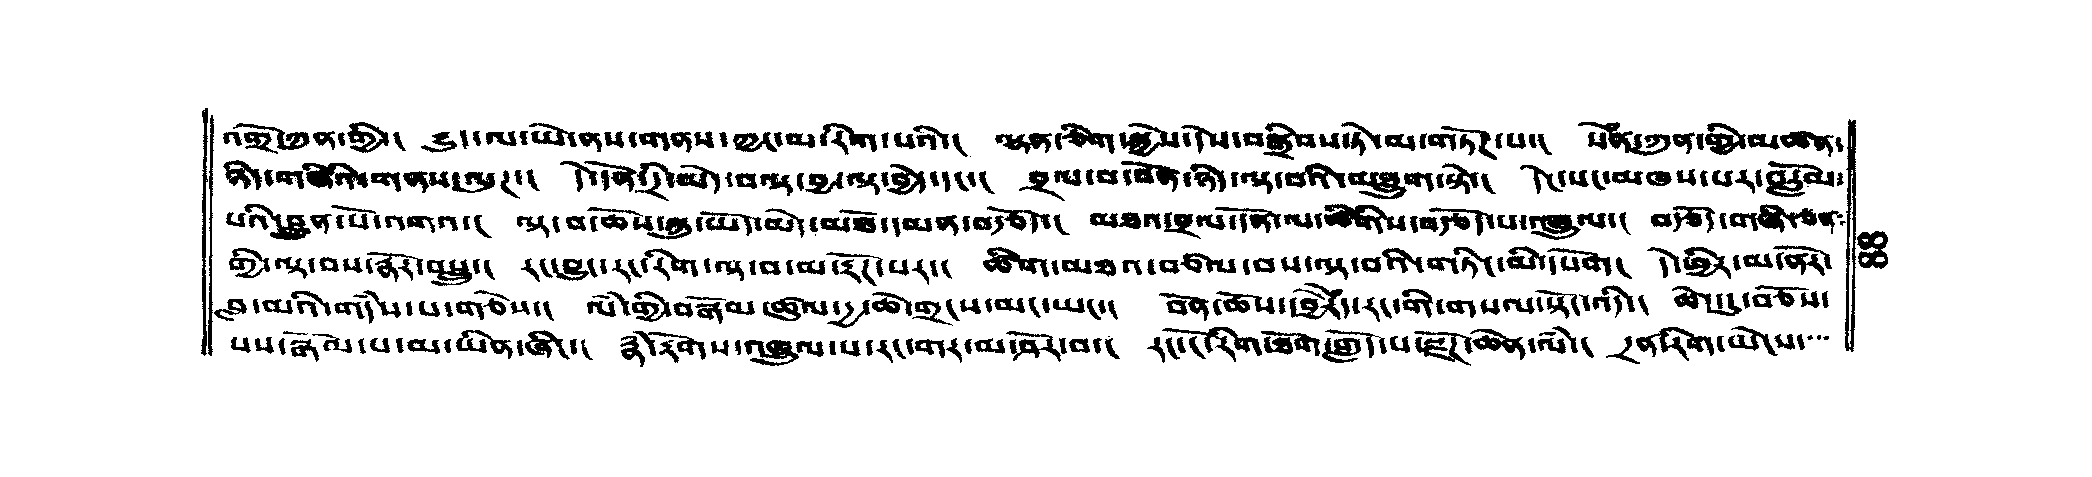འགྲོ་ཀུན་གྱི། །རྒྱུད་ལ་ཡེ་ནས་གནས་ཀྱང་མ་རིག་པའི། །ལྷན་ཅིག་སྐྱེས་དེས་བསྒྲིབས་ཏེ་མ་གཏོགས་པ། །སེམས་ཅན་ཀུན་གྱི་མཚན་
ཉིད་གཞིའི་གནས་ལུགས། །དེ་དོན་དྲི་མེད་བལྟ་བྱ་བལྟ་བྱེད་དང་། བྲལ་བ་བོན་ཉིད་ལྟ་བའི་མཐར་ཐུག་སྟེ། །དེང་སང་མཁས་པར་རློམ་
པའི་བླུན་པོ་འགའ། །ལྟ་བ་ཆོས་སྐུ་ཡོད་མེད་མཐོ་དམན་རྩོད། །མཐའ་བྲལ་དོན་ལ་ཚིག་གིས་རྩོད་པ་འཁྲུལ། །རྩོད་གཞི་ཅན་
གྱི་ལྟ་བས་རྣལ་འབྱོར་བསླུ། །རང་བྱུང་རང་རིག་ལྟ་བ་མ་རྟོགས་པར། །ཚིག་མཐའ་བཙལ་བས་ལྟ་བའི་གཏིང་མི་དཔོག །དེ་ཕྱིར་མ་ནོར་
བླ་མའི་གདམས་ངག་གཅེས། །ལམ་གྱི་སྒོམ་ཚུལ་རྒྱ་ཆེར1$1000220་གྲངས་མང་ཡང་། །བོན་ཆོས་དབྱེར་མེད་རང་གི་གསལ་སྟོང་འདི། །ཆེད་དུ་བཅོས་
པས་སྒོམ་པ་མ་ཡིན་ཞིང་། །རྣམ་རྟོག་འཁྲུལ་བ་རང་གར་མ་ཤོར་བར། །རང་ངོ་རིག་ཐོག་གློད་པ་རྫོགས་ཆེན་ལམ། །དྲན་རིག་ཡེངས་